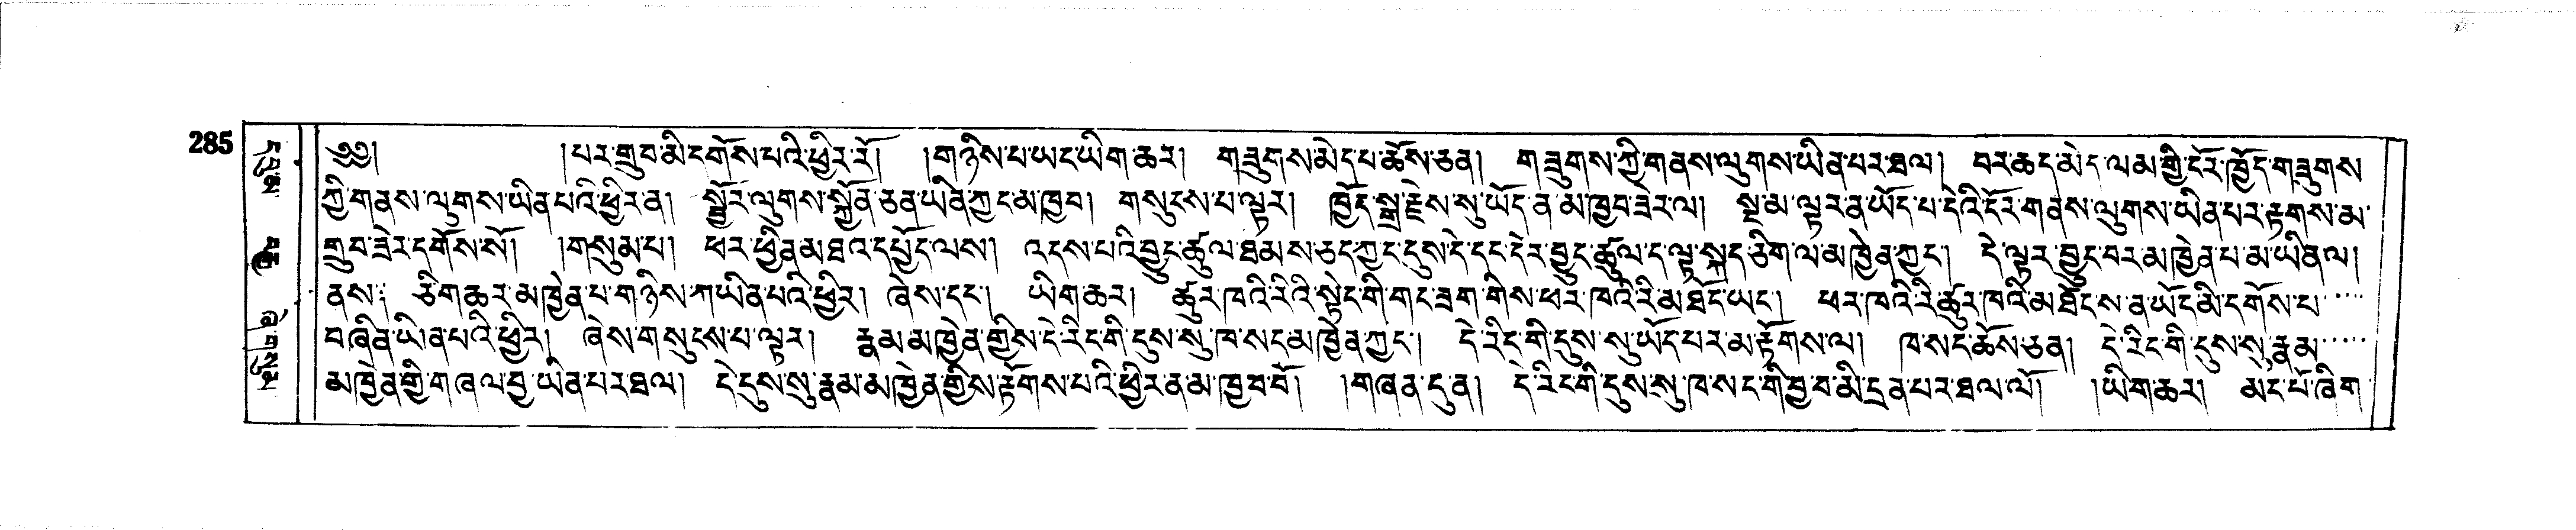༄༅། །པར་གྲུབ་མི་དགོས་པའི་ཕྱིར་རོ། །གཉིས་པ་ཡང་ཡིག་ཆར། གཟུགས་མེད་པ་ཆོས་ཅན། གཟུགས་ཀྱི་གནས་ལུགས་ཡིན་པར་ཐལ། བར་ཆད་མེད་ལམ་གྱི་ངོར་ཁྱོད་གཟུགས་
ཀྱི་གནས་ལུགས་ཡིན་པའི་ཕྱིར་ན། སྦྱོར་ལུགས་སྐྱོན་ཅན་ཡིན་ཀྱང་མ་ཁྱབ། གསུངས་པ་ལྟར། ཁྱོད་སྒྲ་རྗེས་སུ་ཡོད་ན་མ་ཁྱབ་ཟེར་ལ། སྔ་མ་ལྟར་ན་ཡོད་པ་དེའི་ངོར་གནས་ལུགས་ཡིན་པར་རྟགས་མ་
གྲུབ་ཟེར་དགོས་སོ། །གསུམ་པ། ཕར་ཕྱིན་མཐའ་དཔྱོད་ལས། འདས་པའི་བྱུང་ཚུལ་ཐམས་ཅད་ཀྱང་དུས་དེ་དང་དེར་བྱུང་ཚུལ་ད་ལྟ་སྐད་ཅིག་ལ་མཁྱེན་ཀྱང་། དེ་ལྟར་བྱུང་བར་མཁྱེན་པ་མ་ཡིན་ལ།
ནས། ཅིག་ཆར་མཁྱེན་པ་གཉིས་ཀ་ཡིན་པའི་ཕྱིར། ཞེས་དང་། ཡིག་ཆར། ཚུར་ཁའི་རིའི་སྟེང་གི་གང་ཟག་གིས་ཕར་ཁའི་རི་མཐོང་ཡང་། ཕར་ཁའི་རི་ཚུར་ཁའི་མཐོང་ས་ན་ཡོད་མི་དགོས་པ་
བཞིན་ཡིན་པའི་ཕྱིར། ཞེས་གསུངས་པ་ལྟར། རྣམ་མཁྱེན་གྱིས་དེ་རིང་གི་དུས་སུ་ཁ་སང་མཁྱེན་ཀྱང་། དེ་རིང་གི་དུས་སུ་ཡོད་པར་མ་རྟོགས་ལ། ཁ་སད་ཆོས་ཅན། དེ་རིང་གི་དུས་སུ་རྣམ་
མཁྱེན་གྱི་གཞལ་བྱ་ཡིན་པར་ཐལ། དེ་དུས་སུ་རྣམ་མཁྱེན་གྱིས་རྟོགས་པའི་ཕྱིར་ན་མ་ཁྱབ་བོ། །གཞན་དུ་ན། དེ་རིང་གི་དུས་སུ་ཁ་སང་གི་བྱ་བ་མི་དྲན་པར་ཐལ་ལོ། །ཡིག་ཆར། མང་པོ་ཞིག་